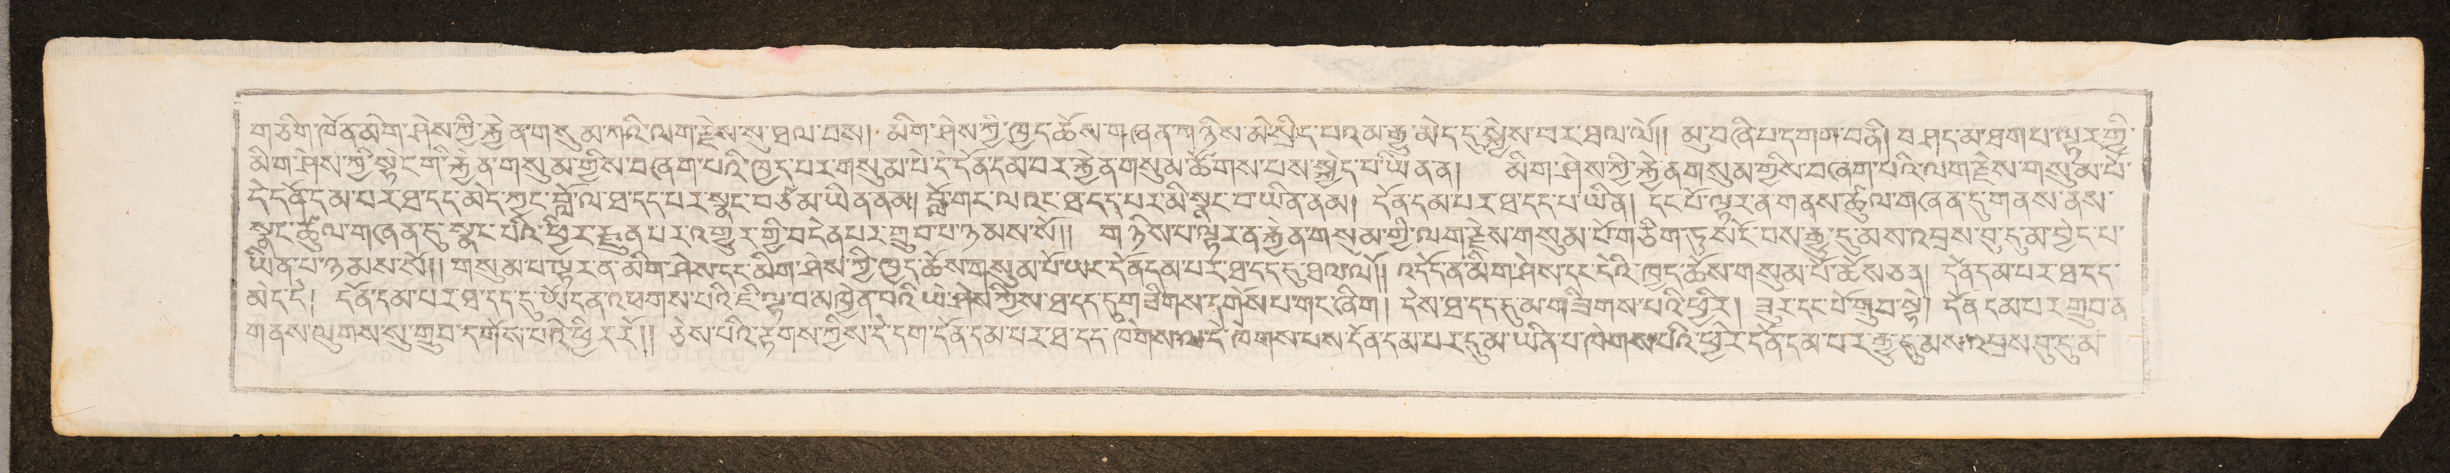གཅིག་ཁོ་ན་མིག་ཤེས་ཀྱི་རྐྱེན་གསུམ་ཀའི་ལག་རྗེས་སུ་ཐལ་བས། མིག་ཤེས་ཀྱི་ཁྱད་ཆོས་གཞན་གཉིས་མི་སྲིད་པའམ་རྒྱུ་མེད་དུ་སྐྱེས་བར་ཐལ་ལོ།། མུ་བཞི་པ་དགག་པ་ནི། བཤད་མ་ཐག་པ་ལྟར་གྱི་
མིག་ཤེས་ཀྱི་སྟེང་གི་རྐྱེན་གསུམ་གྱིས་བཞག་པའི་ཁྱད་པར་གསུམ་པོ་དེ་དོན་དམ་པར་རྐྱེན་གསུམ་ཚོགས་པས་སྐྱེད་པ་ཡིན་ན། མིག་ཤེས་ཀྱི་རྐྱེན་གསུམ་གྱིས་བཞག་པའི་ལག་རྗེས་གསུམ་པོ་
དེ་དོན་དམ་པར་ཐ་དད་མེད་ཀྱང་བློ་ལ་ཐ་དད་པར་སྣང་བ་ཙམ་ཡིན་ནམ། བློ་གང་ལའང་ཐ་དད་པར་མི་སྣང་བ་ཡིན་ན། དོན་དམ་པར་ཐ་དད་པ་ཡིན། དང་པོ་ལྟར་ན་གནས་ཚུལ་གཞན་དུ་གནས་ནས་
སྣང་ཚུལ་གཞན་དུ་སྣང་པའི་ཕྱིར་རྫུན་པར་འགྱུར་གྱི་བདེན་པར་གྲུབ་པ་ཉམས་སོ།། གཉིས་པ་ལྟར་ན་རྐྱེན་གསུམ་གྱི་ལག་རྗེས་གསུམ་པོ་གཅིག་ཏུ་སོང་བས་རྒྱུ་དུ་མས་འབྲས་བུ་དུ་མ་བྱེད་པ་
ཡིན་པ་ཉམས་སོ།། གསུམ་པ་ལྟར་ན་མིག་ཤེས་དང་མིག་ཤེས་ཀྱི་ཁྱད་ཆོས་གསུམ་པོ་ཡང་དོན་དམ་པར་ཐ་དད་དུ་ཐལ་ལོ།། འདོད་ན་མིག་ཤེས་དང་དེའི་ཁྱད་ཆོས་གསུམ་པོ་ཆོས་ཅན། དོན་དམ་པར་ཐ་དད་
མེད་དེ། དོན་དམ་པར་ཐ་དད་དུ་ཡོད་ན་འཕགས་པའི་ཇི་ལྟ་བ་མཁྱེན་པའི་ཡེ་ཤེས་ཀྱིས་ཐ་དད་དུ་གཟིགས་དགོས་པ་གང་ཞིག། དེས་ཐ་དད་དུ་མ་གཟིགས་པའི་ཕྱིར། ཟུར་དང་པོ་གྲུབ་སྟེ། དོན་དམ་པར་གྲུབ་ན་
གནས་ལུགས་སུ་གྲུབ་དགོས་པའི་ཕྱིར་རོ།། ཅེས་པའི་རྟགས་ཀྱིས་དེ་དག་དོན་དམ་པར་ཐ་དད་ཁེགས་ལ་དེ་ཁེགས་པས་དོན་དམ་པར་དུ་མ་ཡིན་པ་ཁེགས་པའི་ཕྱིར་དོན་དམ་པར་རྒྱུ་དུ་མས་འབྲས་བུ་དུ་མ་